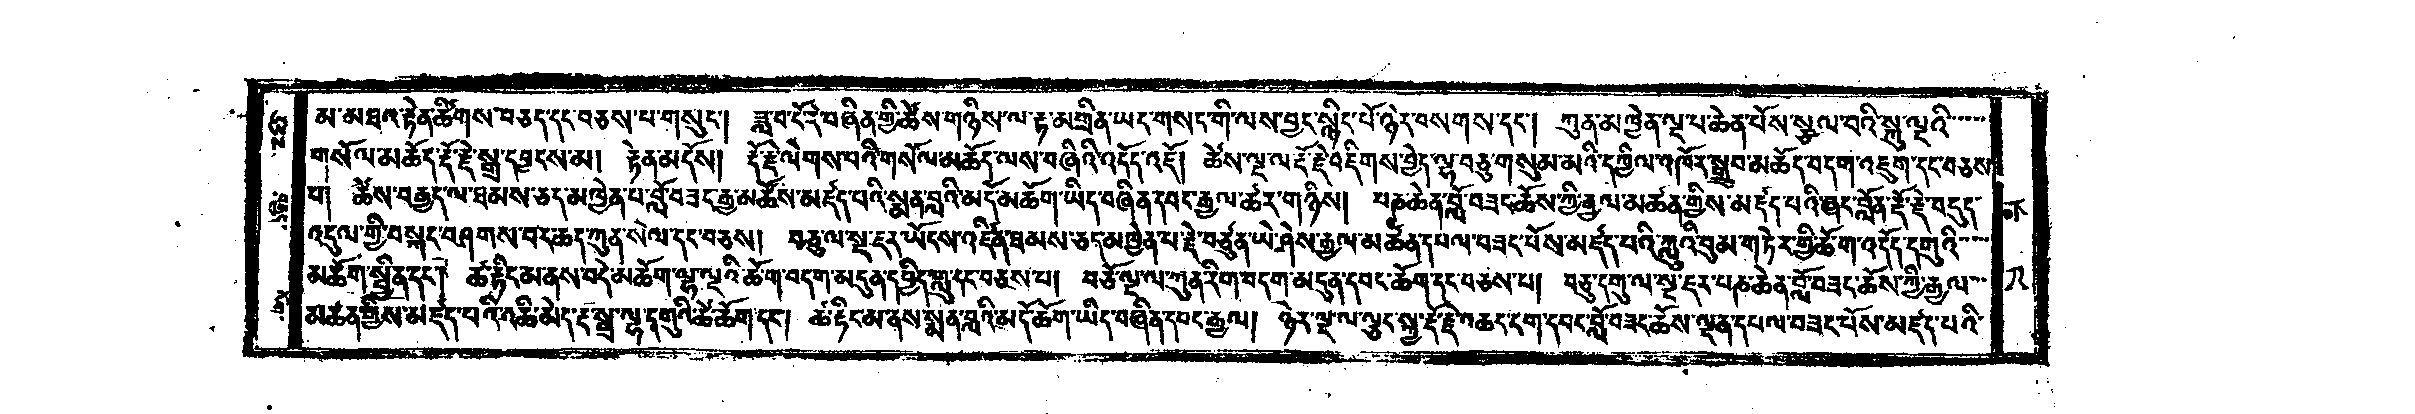མ་མཐའ་རྟེན་ཚིགས་བཅད་དང་བཅས་པ་གསུང་། ཟླ་བ་ངོ་རེ་བཞིན་གྱི་ཚེས་གཉིས་ལ་རྟ་མགྲིན་ཡང་གསང་གི་ལས་བྱང་སྙིང་པོ་ཉེར་བསགས་དང་། ཀུན་མཁྱེན་ལྔ་པ་ཆེན་པོས་སྩལ་བའི་སྐུ་ལྔའི་
གསོལ་མཆོད་རྡོ་རྗེ་སྒྲ་དབྱངས་མ། རྟེན་མདོས། རྡོ་རྗེ་ལེགས་པའི་གསོལ་མཆོད་ལས་བཞིའི་འདོད་འཇོ། ཚེ་ལྔ་ལ་རྡོ་རྗེ་འཇིགས་བྱེད་ལྷ་བཅུ་གསུམ་མའི་དཀྱིལ་འཁོར་སྒྲུབ་མཆོད་བདག་འཇུག་དང་བཅས་
པ། ཚེས་བརྒྱད་ལ་ཐམས་ཅད་མཁྱེན་པ་བློ་བཟང་རྒྱ་མཚོས་མཛད་པའི་སྨན་བླའི་མདོ་མཆོག་ཡིད་བཞིན་དབང་རྒྱལ་ཚར་གཉིས། པཎ་ཆེན་བློ་བཟང་ཆོས་ཀྱི་རྒྱལ་མཚན་གྱིས་མཛད་པའི་ཞང་བློན་རྡོ་རྗེ་བདུད་
འདུལ་གྱི་བསྐང་བཤགས་བར་ཆད་ཀུན་སེལ་དང་བཅས། བཅུ་ལ་སྔ་ཇར་ཡོངས་འཛིན་ཐམས་ཅད་མཁྱེན་པ་རྗེ་བཙུན་ཡེ་ཤེས་རྒྱལ་མཚན་དཔལ་བཟང་པོས་མཛད་པའི་ཀླུའི་བུམ་གཏེར་གྱི་ཆོ་ག་འདོད་དགུའི་
མཆོག་སྦྱིན་དང་། ཚ་རྟིང་མ་ནས་བདེ་མཆོག་ལྷ་ལྔའི་ཆོག་བདག་མདུན་དཔྱིད་གླུ་དང་བཅས་པ། བཅོ་ལྔ་ལ་ཀུན་རིག་བདག་མདུན་དབང་ཆོག་དང་བཅས་པ། བཅུ་དགུ་ལ་སྔ་ཇར་པཎ་ཆེན་བློ་བཟང་ཆོས་ཀྱི་རྒྱལ་
མཚན་གྱིས་མཛད་པའི་འཆི་མེད་རྔ་སྒྲ་ལྷ་དགུའི་ཚེ་ཆོག་དང་། ཚ་རྟིང་མ་ནས་སྨན་བླའི་མདོ་ཆོག་ཡིད་བཞིན་དབང་རྒྱལ། ཉེར་ལྔ་ལ་ལྕང་སྐྱ་རྡོ་རྗེ་འཆང་ངག་དབང་བློ་བཟང་ཆོས་ལྡན་དཔལ་བཟང་པོས་མཛད་པའི་